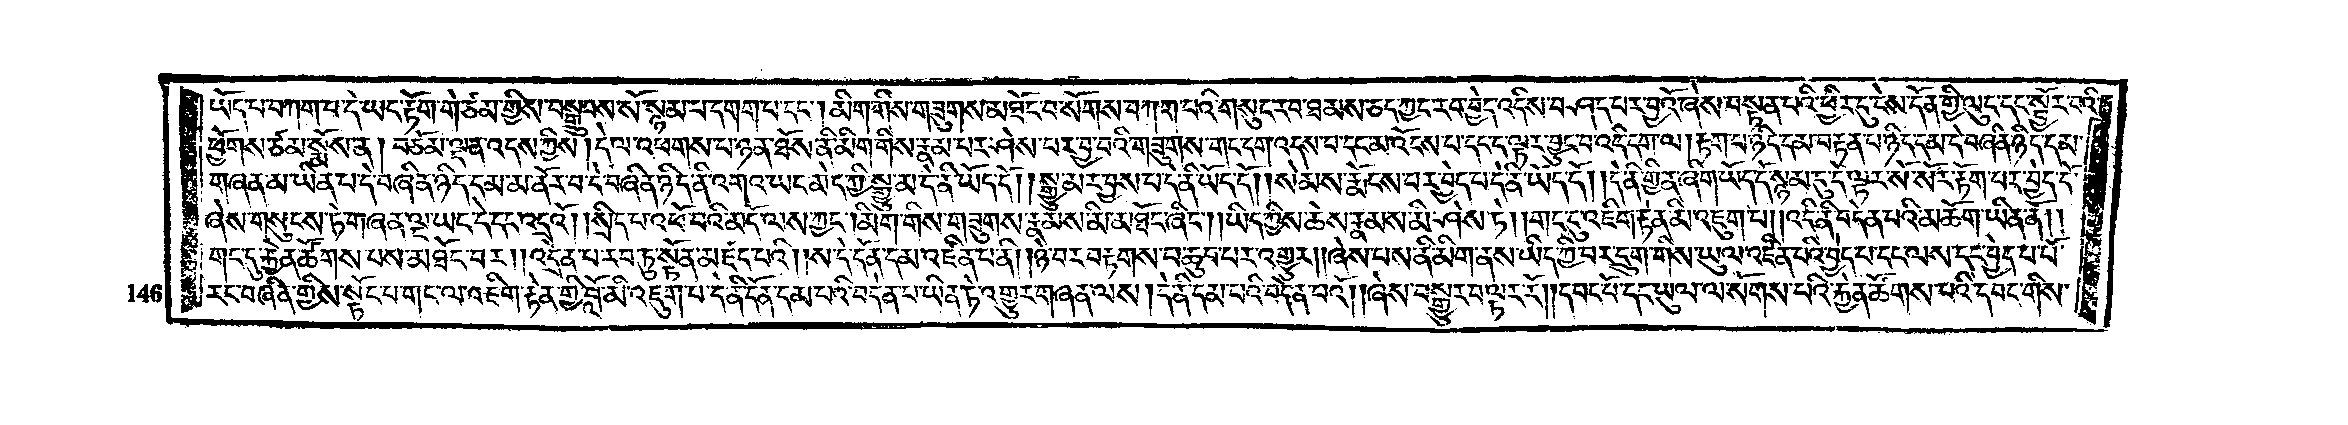ཡོད་པ་བཀག་པ་དེ་ཡང་རྟོག་གེ་ཙམ་གྱིས་བསྒྲུབས་སོ་སྙམ་པ་དགག་པ་དང་། མིག་གིས་གཟུགས་མཐོང་བ་སོགས་བཀག་པའི་གསུང་རབ་ཐམས་ཅད་ཀྱང་རབ་བྱེད་འདིས་བཤད་པར་བྱའོ་ཞེས་བསྟན་པའི་ཕྱིར་དུ་ངེས་དོན་གྱི་ལུང་དང་སྦྱོར་བའི་
ཕྱོགས་ཙམ་སྨོས་ན། བཅོམ་ལྡན་འདས་ཀྱིས། དེ་ལ་འཕགས་པ་ཉན་ཐོས་ནི་མིག་གིས་རྣམ་པར་ཤེས་པར་བྱ་བའི་གཟུགས་གང་དག་འདས་པ་དང་མ་འོངས་པ་དང་ད་ལྟར་བྱུང་བ་འདི་དག་ལ། རྟག་པ་ཉིད་དམ་བརྟན་པ་ཉིད་དམ་དེ་བཞིན་ཉིད་དམ་
གཞན་མ་ཡིན་པ་དེ་བཞིན་ཉིད་དམ་མ་ནོར་བ་དེ་བཞིན་ཉིད་ནི་འགའ་ཡང་མེད་ཀྱི་སྒྱུ་མ་དེ་ནི་ཡོད་དོ། །སྒྱུ་མར་བྱས་པ་དེ་ནི་ཡོད་དོ། །སེམས་རྨོངས་པར་བྱེད་པ་དེ་ནི་ཡོད་དོ། །དེ་ནི་གྱིན་ཞིག་ཡོད་དོ་སྙམ་དུ་དེ་ལྟར་སོ་སོར་རྟོག་པར་བྱེད་དོ་
ཞེས་གསུངས་ཏེ་གཞན་ལྔ་ཡང་དེ་དང་འདྲའོ། །སྲིད་པ་འཕོ་བའི་མདོ་ལས་ཀྱང་། མིག་གིས་གཟུགས་རྣམས་མི་མཐོང་ཞིང་། །ཡིད་ཀྱིས་ཆེས་རྣམས་མི་ཤེས་ཏེ། །གང་དུ་འཇིག་རྟེན་མི་འཇུག་པ། །འདི་ནི་བདེན་པའི་མཆོག་ཡིན་ནོ། །
གང་དུ་རྐྱེན་ཚོགས་པས་མཐོང་བར། །འདྲེན་པ་རབ་ཏུ་སྟོན་མཛད་པའི། །ས་དེ་དོན་དམ་འཛིན་པ་ནི། །ཉེ་བར་བརྟགས་པ་ཆུང་བར་འགྱུར། །ཞེས་པས་ནི་མིག་ནས་ཡིད་ཀྱི་བར་དྲུག་གིས་ཡུལ་འཛིན་པའི་བྱེད་པ་དང་ལས་དང་བྱེད་པ་པོ་
རང་བཞིན་གྱིས་སྟོང་པ་གང་ལ་འཇིག་རྟེན་གྱི་བློ་མི་འཇུག་པ་དེ་ནི་དོན་དམ་པའི་བདེན་པ་ཡིན་ཏེ་འགྱུར་གཞན་ལས། དེ་ནི་དམ་པའི་བདེན་པའོ། །ཞེས་བསྒྱུར་བ་ལྟར་རོ། །དབང་པོ་དང་ཡུལ་ལ་སོགས་པའི་རྐྱེན་ཚོགས་པའི་དབང་གིས་